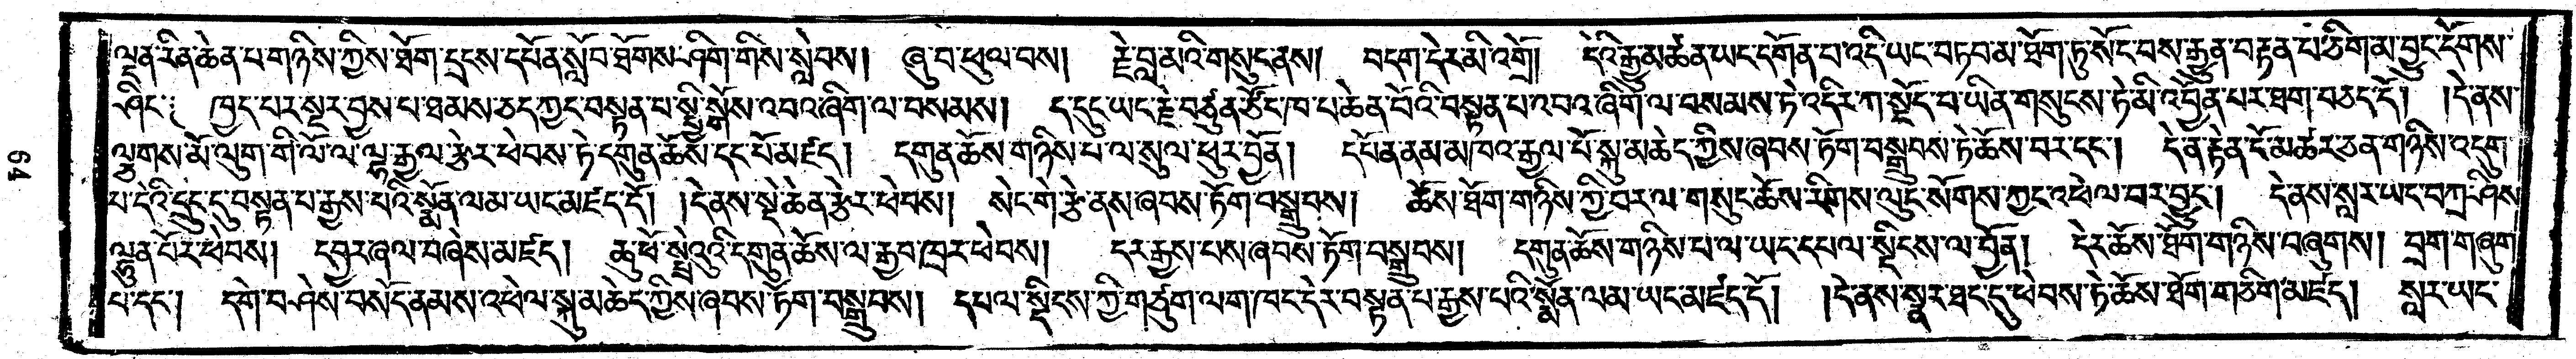ལྡན་རིན་ཆེན་པ་གཉིས་ཀྱིས་ཐོག་དྲངས་དཔོན་སློབ་ཐོགས་ཤིག་གིས་སླེབས། ཞུ་བ་ཕུལ་བས། རྗེ་བླ་མའི་གསུང་ནས། བདག་དེར་མི་འགྲོ། དེའི་རྒྱུ་མཚན་ཡང་དགོན་པ་འདི་ཡང་བཏབ་མ་ཐོག་ཏུ་སོང་བས་རྒྱུན་བརྟན་པ་ཅིག་མ་བྱུང་དོགས་
ཤིང༑ ཁྱད་པར་སྔར་བྱས་པ་ཐམས་ཅད་ཀྱང་བསྟན་པ་སྤྱི་སྒོས་འབའ་ཞིག་ལ་བསམས། ད་དུང་ཡང་རྗེ་བཙུན་ཙོང་ཁ་པ་ཆེན་པོའི་བསྟན་པ་འབའ་ཞིག་ལ་བསམས་ཏེ་འདིར་ཀ་སྔོད་པ་ཡིན་གསུངས་ཏེ་མི་འབྱོན་པར་ཐག་བཅད་དོ། །དེ་ནས་
ལྕགས་མོ་ལུག་གི་ལོ་ལ་ལྷ་རྒྱལ་རྩེར་ཕེབས་ཏེ་དགུན་ཆོས་དང་པོ་མཛད། དགུན་ཆོས་གཉིས་པ་ལ་སུལ་ཕུར་བྱོན། དཔོན་ནམ་མཁའ་རྒྱལ་པོ་སྐུ་མཆེད་ཀྱིས་ཞབས་ཏོག་བསྒྲུབས་ཏེ་ཆོས་བར་དང་། དེ་ན་རྟེན་ངོ་མཚར་ཅན་གཉིས་འདུག་
པ་དེའི་དྲུང་དུ་བསྟན་པ་རྒྱས་པའི་སྨོན་ལམ་ཡང་མཛད་དོ། །དེ་ནས་སྡེ་ཆེན་རྩེར་ཕེབས། སེང་གེ་རྩེ་ནས་ཞབས་ཏོག་བསྒྲུབས། ཆོས་ཐོག་གཉིས་ཀྱི་བར་ལ་གསུང་ཆོས་རིགས་ལུང་སོགས་ཀྱང་འཕེལ་བར་བྱུང་། དེ་ནས་སླར་ཡང་བཀྲ་ཤིས་
ལྷུན་པོར་ཕེབས། དབྱར་ཞལ་བཞེས་མཛད། ཆུ་ཕོ་སྤྲེའུའི་དགུན་ཆོས་ལ་རྒྱབ་ཁྲར་ཕེབས། དར་རྒྱས་པས་ཞབས་ཏོག་བསྒྲུབས། དགུན་ཆོས་གཉིས་པ་ལ་ཡང་དཔལ་སྡིངས་ལ་བྱོན། དེར་ཆོས་ཐོག་གཉིས་བཞུགས། བྲག་གཞུག་
པ་དང་། དགེ་བཤེས་བསོད་ནམས་འཕེལ་སྐུ་མཆེད་ཀྱིས་ཞབས་ཏོག་བསྒྲུབས། དཔལ་སྡིངས་ཀྱི་གཙུག་ལག་ཁང་དེར་བསྟན་པ་རྒྱས་པའི་སྨོན་ལམ་ཡང་མཛད་དོ། །དེ་ནས་སྣར་ཐང་དུ་ཕེབས་ཏེ་ཆོས་ཐོག་གཅིག་མཛད། སླར་ཡང་